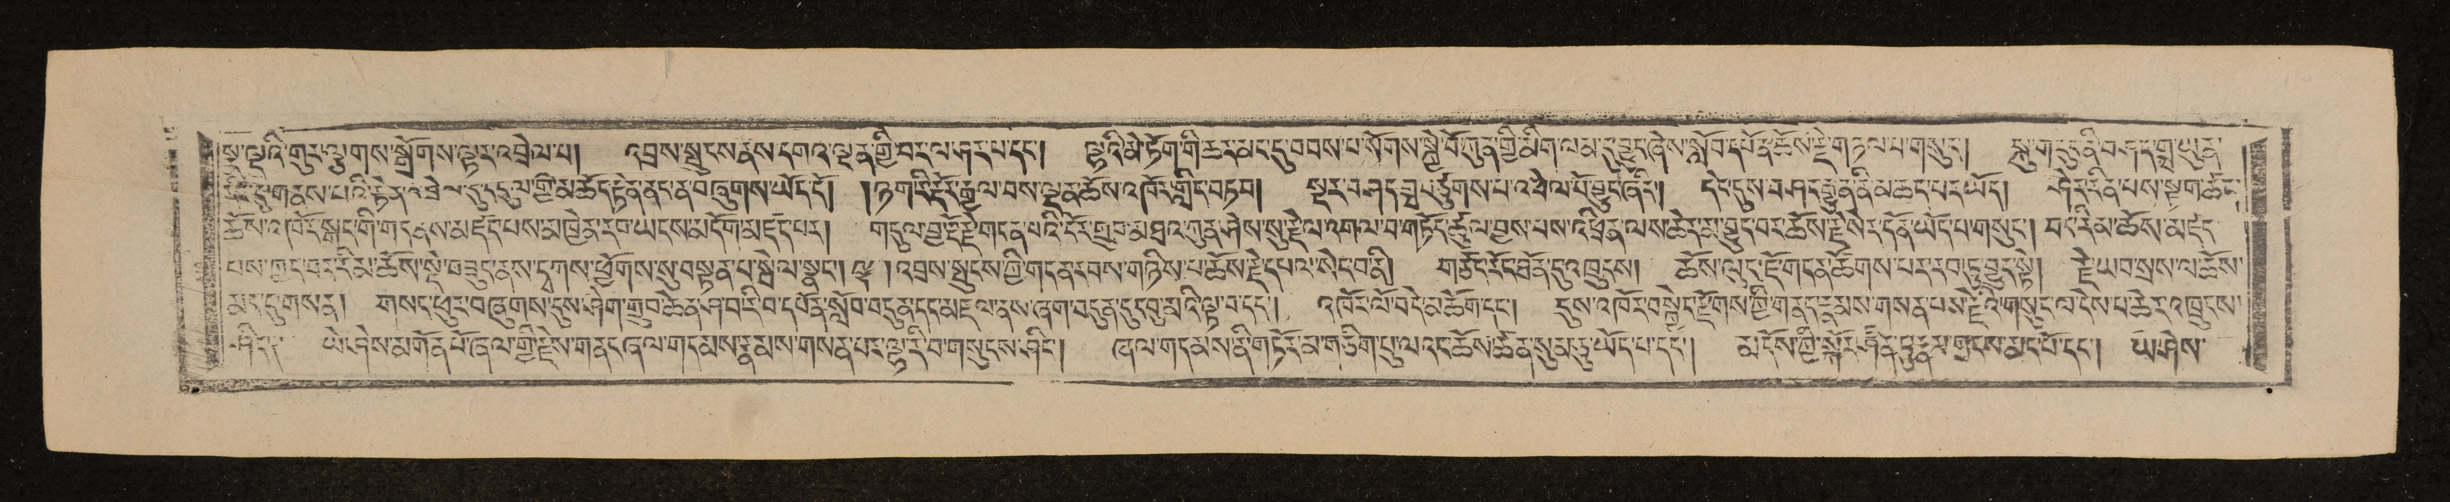སྣ་ལྔའི་གུར་ལྕགས་སྒྲོགས་ལྟར་འབྲེལ་བ། འབྲས་སྤུངས་ནས་དགའ་ལྡན་གྱི་བར་ལ་ཤར་པ་དང་། ལྷའི་མེ་ཏོག་གི་ཆར་མང་དུ་བབས་པ་སོགས་སྐྱེ་བོ་ཀུན་གྱི་མིག་ལམ་དུ་བྱུང་ཞེས་སློབ་དཔོན་ཆོས་རྗེ་གཉལ་པ་གསུང་། སྐུ་གདུང་ནི་བཤད་གྲྭ་ཡུན་
རིང་དུ་གནས་པའི་རྟེན་འབྲེལ་དུ་དངུལ་གྱི་མཆོད་རྟེན་ནང་ན་བཞུགས་ཡོད་དོ། །ཉག་རི་རྡོར་རྒྱལ་བས་ལྡན་ཆོས་འཁོར་གླིང་བཏབ། སྔར་བཤད་གྲྭ་བཙུགས་པ་འཕེལ་བོ་བྱུང་ཞེང་། དེང་དུས་བཤད་རྒྱུན་ནི་མཆད་པར་ཡོད། ཤེར་རིན་པས་སྟག་ཚང་
ཆོས་འཁོར་སྒང་གི་གདན་ས་མཛད་པས་མཁྱེན་རབ་ཡངས་མདོག་མཛད་པར། གདུལ་བྱ་རྡོ་རྗེ་གདན་པའི་ངོར་གྲུབ་མཐའ་ཀུན་ཤེས་སུ་རྗེ་ལ་འགལ་བ་གཏོང་ཚུལ་བྱས་པས་འཕྲིན་ལས་ཆེར་མ་བྱུང་བར་ཆོས་རྗེ་སེར་དོན་ཡོད་པ་གསུང་། བང་རིམ་ཆོས་མཛད་
བས་ཀྱང་བང་རིམ་ཆོས་སྡེ་བཟུང་ནས་དྭགས་ཕྱོགས་སུ་བསྟན་པ་སྤེལ་སྣང་། ༈ །འབྲས་སྤུངས་ཀྱི་གདན་རབས་གཉིས་པ་ཆོས་རྗེ་དཔལ་སེང་བ་ནི། གཙང་རོང་ཐོན་དུ་འཁྲུངས། ཆོས་ལུང་ཇོ་གདན་ཚོགས་པར་རབ་ཏུ་བྱུང་སྟེ། རྗེ་ཡབ་སྲས་ལ་ཆོས་
མང་དུ་གསན། གསང་ཕུར་བཞུགས་དུས་ཤིག་གྲུབ་ཆེན་ཤ་བ་རི་བ་དཔོན་སློབ་བདུན་དང་མཇལ་ནས་ཞག་བདུན་དུ་དབུ་མའི་ལྟ་བ་དང་། འཁོར་ལོ་བདེ་མཆོག་དང་། དུས་འཁོར་བསྐྱེད་རྫོགས་ཀྱི་གནད་རྣམས་གསན་པས་རྗེའི་གསུང་ལ་ངེས་པ་ཆེར་འཁྲུངས་
ཤིང༑ ཡེ་ཤེས་མགོན་པོ་ཞལ་གྱི་རྗེས་གནང་ཞལ་གདམས་རྣམས་གསན་པར་ལྷ་རི་བ་གསུངས་ཤིང་། ཞལ་གདམས་ནི་གཏོར་མ་གཅིག་པུ་ལའང་ཆོས་ཚན་སུམ་ཅུ་ཡོད་པ་དང་། མདོས་ཀྱི་སྐོར་ཤིན་ཏུ་རྣམ་གྲངས་མང་པོ་དང་། ཡེ་ཤེས་